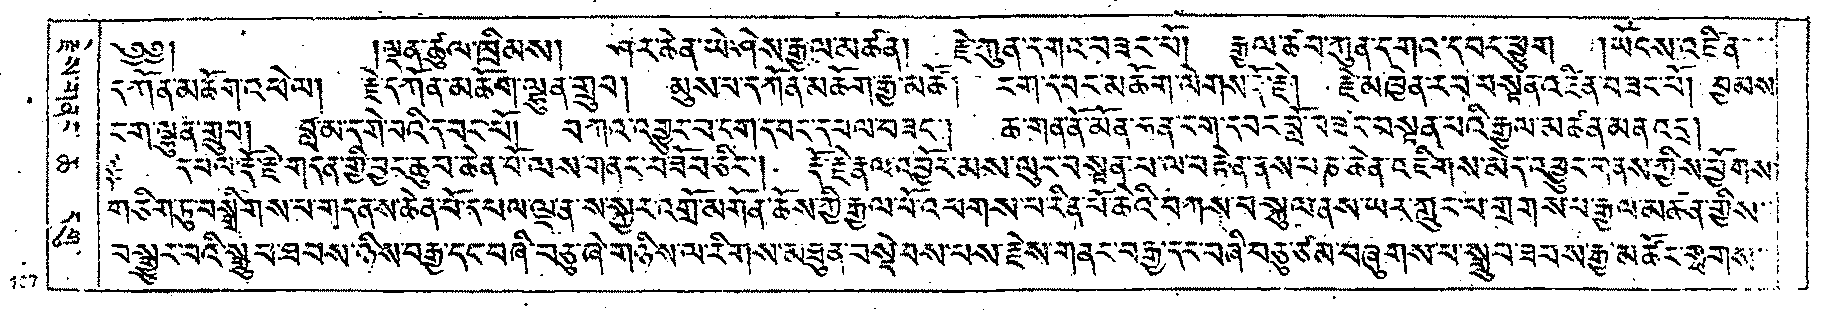༄༅། །ལྡན་ཚུལ་ཁྲིམས། ཤར་ཆེན་ཡེ་ཤེས་རྒྱལ་མཚན། རྗེ་ཀུན་དགའ་བཟང་པོ། རྒྱལ་ཚབ་ཀུན་དགའ་དབང་ཕྱུག །ཡོངས་འཛིན་
དཀོན་མཆོག་འཕེལ། རྗེ་དཀོན་མཆོག་ལྷུན་གྲུབ། མུས་པ་དཀོན་མཆོག་རྒྱ་མཚོ། ངག་དབང་མཆོག་ལེགས་རྡོ་རྗེ། རྗེ་མཁྱེན་རབ་བསྟན་འཛིན་བཟང་པོ། བྱམས་
ངག་ལྷུན་གྲུབ། བླ་མ་དགེ་བའི་དབང་པོ། བཀའ་འགྱུར་བ་ངག་དབང་དཔལ་བཟང་། ཆ་གན་ནོ་མོན་ཧན་ངག་དབང་བློ་བཟང་བསྟན་པའི་རྒྱལ་མཚན་མན་འདྲ།
༈ དཔལ་རྡོ་རྗེ་གདན་གྱི་བྱང་ཆུབ་ཆེན་པོ་ལས་གནང་བ་ཐོབ་ཅིང་། རྡོ་རྗེ་རྣལ་འབྱོར་མས་ལུང་བསྟན་པ་ལ་བརྟེན་ནས་པཎ་ཆེན་འཇིགས་མེད་འབྱུང་གནས་ཀྱིས་ཕྱོགས་
གཅིག་ཏུ་བསྒྲིགས་པ་གདན་ས་ཆེན་པོ་དཔལ་ལྡན་ས་སྐྱར་འགྲོ་མགོན་ཆོས་ཀྱི་རྒྱལ་པོ་འཕགས་པ་རིན་པོ་ཆེའི་བཀས་བསྐུལ་ནས་ཡར་ཀླུང་པ་གྲགས་པ་རྒྱལ་མཚན་གྱིས་
བསྒྱུར་བའི་སྒྲུབ་ཐབས་ཉིས་བརྒྱ་དང་བཞི་བཅུ་ཞེ་གཉིས་ལ་རིགས་མཐུན་བསྡེབས་པས་རྗེས་གནང་བརྒྱ་དང་བཞི་བཅུ་ཙམ་བཞུགས་པ་སྒྲུབ་ཐབས་རྒྱ་མཚོར་གྲགས་